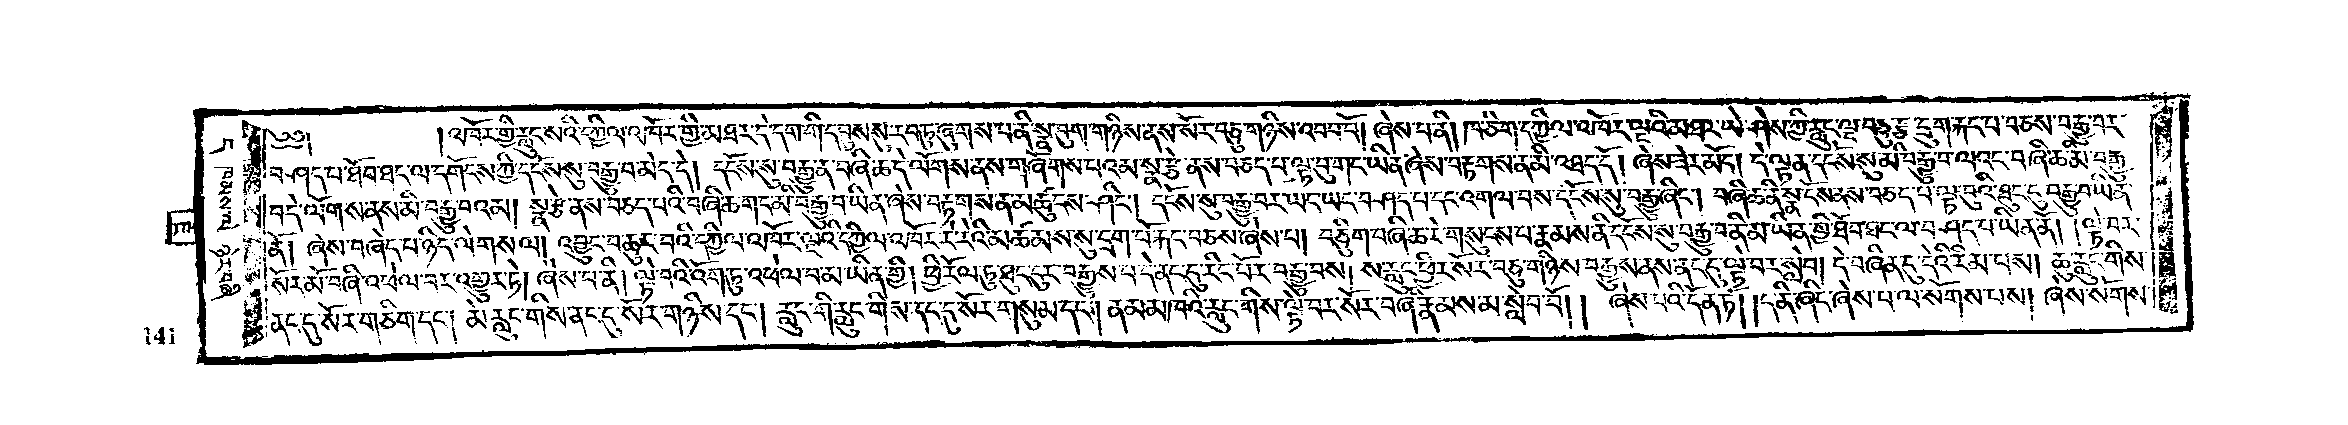༄༅། །འཁོར་གྱི་རླུང་སའི་དཀྱིལ་འཁོར་གྱི་མཐར་དེ་དག་གི་དབུས་སུ་རབ་ཏུ་ཞུགས་པ་ནི་སྣ་བུག་གཉིས་ནས་སོར་བཅུ་གཉིས་འབབ་བོ། ཞེས་པ་ནི། ཁ་ཅིག་དཀྱིལ་འཁོར་ལྔའི་མཐའ་ཡེ་ཤེས་ཀྱི་རླུང་ལྔ་བཅུ་རྩ་དྲུག་རྐང་པ་བཅས་བརྒྱུ་བར་
བཤད་པ་ཐོབ་ཐང་ལ་དགོངས་ཀྱི་དངོས་སུ་བརྒྱུ་བ་མེད་དེ། དངོས་སུ་བརྒྱུ་ན་བཞི་ཆ་དེ་ལོགས་ནས་གཞོགས་པའམ་སྣ་རྩེ་ནས་བཅད་པ་ལྟ་བུ་གང་ཡིན་ཞེས་བརྟགས་ན་མི་འཐད་དོ། ཞེས་སོར་མོ་བཞི་འཕེལ་བར་འགྱུར་ཏེ། ཞེས་པ་ནི། ལྟེ་བའི་འོག་ཏུ་བརྒྱུ་
བདེ་ལོགས་ནས་མི་བརྒྱུ་བའམ། སྣ་རྩེ་ནས་བཅད་པའི་བཞི་ཆ་གད་མི་བརྒྱུ་བ་ཡིན་ཞེས་བརྟགས་ན་མཚུངས་ཤིང་། དངོས་སུ་བརྒྱུ་བར་ཡང་ཡང་བཤད་པ་དང་འགལ་བས་དངོས་སུ་བརྒྱུ་ཞིང་། བཞི་ཆ་ནི་སྣ་ངོས་ནས་བཅད་པ་ལྟ་བུའི་ཐུང་ངུ་བརྒྱུ་བ་ཡིན་
ནོ། ཞེས་བཞེད་པ་ཉིད་ལེགས་ལ། འབྱུང་བ་ཆུང་བའི་དཀྱིལ་འཁོར་ལྔའི་དཀྱིལ་འཁོར་རེ་རེའི་མཚམས་སུ་དྲག་པོ་རྐང་བཅས་ཞེས་པ། བཅུ་གཅིག་བཞི་ཆ་རེ་གསུངས་པ་རྣམས་ནི་དངོས་སུ་བརྒྱུ་བ་ནི་མ་ཡིན་གྱི་ཐོབ་ཐང་ལ་བཤད་པ་ཡིན་ནོ། །ལྟེ་བར་
སོར་མོ་བཞི་འཕེལ་བར་འགྱུར་ཏེ། ཞེས་པ་ནི། ལྟེ་བའི་འོག་ཏུ་འཕེལ་བ་མ་ཡིན་གྱི། ཕྱི་རོལ་ཏུ་ཐུང་ངུར་བརྒྱུས་པ་དེ་ནང་དུ་རིང་པོར་བརྒྱུ་བས། ས་རླུང་ཕྱིར་སོར་བཅུ་གཉིས་བརྒྱུས་ནས་ནང་དུ་ལྟེ་བར་སླེབ། དེ་བཞིན་དུ་དེའི་རིམ་པས། ཆུ་རླུང་གིས་
ནང་དུ་སོར་གཅིག་དང་། མེ་རླུང་གིས་ནང་དུ་སོར་གཉིས་དང་། རླུང་གི་རླུང་གིས་དང་དུ་སོར་གསུམ་དང་། ནམ་མཁའི་རླུང་གིས་ལྟེ་བར་སོར་བཞི་རྣམས་མ་སླེབ་བོ། ཞེས་པའི་དོན་ཏོ། །ད་ནི་ཞིང་ཞེས་པ་ལ་སོགས་པས། ཞེས་སོགས་